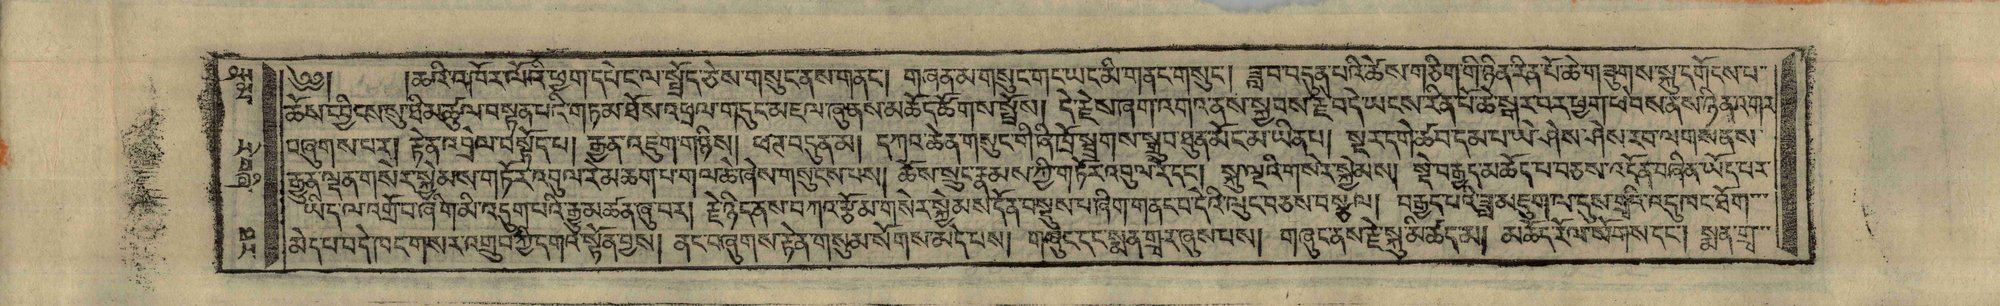༄༅། །ཆའི་འཁོར་ལོའི་ཕྱག་དཔེ་ང་ལ་སྤྲོད་ཅེས་གསུང་ནས་གནང་། གཞན་མ་གསུང་གང་ཡང་མི་གནང་གསུང་། ཟླ་བ་བདུན་པའི་ཚེས་གཅིག་གི་ཉིན་རིན་པོ་ཆེ་གཟུགས་སྐུ་དགོངས་པ་
ཆོས་དབྱིངས་སུ་ཐིམ་ཚུལ་བསྟན་པའི་གཏམ་ཐོས་འཕྲལ་གདུང་མཇལ་ཞུ་ནས་མཆོད་ཚོགས་སྤྲོས། དེ་རྗེས་ཞག་འགའ་ནས་སྐྱབས་རྗེ་བདེ་ཡངས་རིན་པོ་ཆེ་སྒར་བར་ཕྱག་ཕེབས་ནས་ཉིན་འགའ་
བཞུགས་པར། རྟེན་འབྲེལ་བསྟོད་པ། རྒྱན་འཇུག་གཉིས། ཕཊ་བདུན་མ། དཀའ་ཆེན་གསུང་གི་ཞི་ཁྲོ་སྦྲགས་སྒྲུབ་ཐུན་མོང་མ་ཡིན་པ། སྔར་དགེ་ཚབ་དམ་པ་ཡེ་ཤེས་ཤེས་རབ་ལགས་ནས་
རྒྱུན་ལྡན་གསེར་སྐྱེམས་གཏོར་འབུལ་རེ་མ་ཆག་པ་གལ་ཆེ་ཞེས་གསུངས་པས། ཆོས་སྲུང་རྣམས་ཀྱི་གཏོར་འབུལ་རེ་དང་། སྐུ་ལྔའི་གསེར་སྐྱེམས། སྡེ་བརྒྱད་མཆོད་པ་བཅས་འདོན་བཞིན་ཡོད་པར་
ཡིད་ལ་འགྲོ་བ་ཞིག་མི་འདུག་པའི་རྒྱུ་མཚན་ཞུ་བར། རྗེ་ཉིད་ནས་བཀའ་རྩོམ་གསེར་སྐྱེམས་དོན་བསྡུས་པ་ཞིག་གནང་བ་དེའི་ལུང་བཅས་བསྩལ། བརྒྱད་པའི་ཟླ་མཇུག་ལ་དུས་གྲྭའི་འདུ་ཁང་ཐོག་
མེད་པ་བདེ་ཁང་གསར་འགྲུབ་ཀྱི་དགའ་སྟོན་བྱས། ནང་བཞུགས་རྟེན་གསུམ་སོགས་མེད་པས། གཞུང་དང་སྨན་གྲྭར་ཞུས་པས། གཞུང་ནས་རྗེ་སྐུ་མི་ཚད་མ། མཆོད་རོལ་སོགས་དང་། སྨན་གྲྭ་